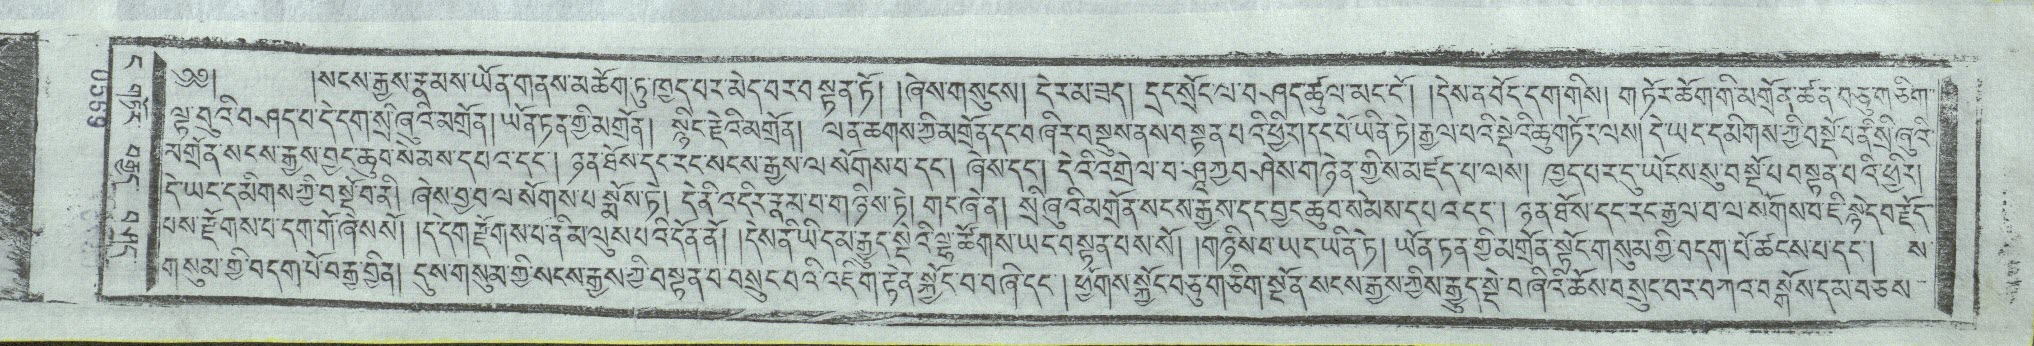༄༅། །སངས་རྒྱས་རྣམས་ཡོན་གནས་མཆོག་ཏུ་ཁྱད་པར་མེད་བར་བསྟན་ཏོ། །ཞེས་གསུངས། དེར་མ་ཟད། དྲང་སྲོང་ལ་བཤད་ཚུལ་མང་ངོ། །དེས་ན་བོད་དག་གིས། གཏོར་ཆོག་གི་མགྲོན་ཚན་བཅུ་གཅིག་
ལྟ་བུའི་བཤད་པ་དེ་དག་སྲི་ཞུའི་མགྲོན། ཡོན་ཏན་གྱི་མགྲོན། སྙིང་རྗེའི་མགྲོན། ལན་ཆགས་ཀྱི་མགྲོན་དང་བཞིར་བསྡུས་ནས་བསྟན་པའི་ཕྱིར། དང་པོ་ཡིན་ཏེ། རྒྱལ་པའི་སྡེའི་ཆུ་གཏོར་ལས། དེ་ཡང་དམིགས་ཀྱི་བསྔོ་བ་ནི་སྲི་ཞུའི་
མགྲོན་སངས་རྒྱས་བྱང་ཆུབ་སེམས་དཔའ་དང་། ཉན་ཐོས་དང་རང་སངས་རྒྱས་ལ་སོགས་པ་དང་། ཞེས་དང་། དེའི་འགྲེལ་པ་ཤཱཀྱ་བཤེས་གཉེན་གྱིས་མཛད་པ་ལས། ཁྱད་པར་དུ་ཡོངས་སུ་བསྔོ་པ་བསྟན་པའི་ཕྱིར།
དེ་ཡང་དམིགས་ཀྱི་བསྔོ་བ་ནི། ཞེས་བྱ་བ་ལ་སོགས་པ་སྨོས་ཏེ། དེ་ནི་འདིར་རྣམ་པ་གཉིས་ཏེ། གང་ཞེ་ན། སྲི་ཞུའི་མགྲོན་སངས་རྒྱས་དང་བྱང་ཆུབ་སེམས་དཔའ་དང་། ཉན་ཐོས་དང་རང་རྒྱལ་བ་ལ་སོགས་བ་ཇི་སྙེད་བརྗོད་
པས་རྫོགས་པ་དག་གོ་ཞེས་སོ། །དེ་དག་རྫོགས་པ་ནི་མ་ལུས་པའི་དོན་ནོ། །དེས་ནི་ཡིད་མ་རྒྱུད་སྡེའི་ལྷ་ཚོགས་ཡང་བསྟན་པས་སོ། །གཉིས་པ་ཡང་ཡིན་ཏེ། ཡོན་ཏན་གྱི་མགྲོན་སྟོང་གསུམ་གྱི་བདག་པོ་ཚངས་པ་དང་། ས་
གསུམ་གྱི་བདག་པོ་བརྒྱ་བྱིན། དུས་གསུམ་གྱི་སངས་རྒྱས་ཀྱི་བསྟན་པ་བསྲུང་བའི་འཇིག་རྟེན་སྐྱོང་བ་བཞི་དང་། ཕྱོགས་སྐྱོང་བཅུ་གཅིག་སྔོན་སངས་རྒྱས་ཀྱིས་རྒྱུད་སྡེ་བཞིའི་ཆོས་བསྲུང་བར་བཀའ་བསྒོས་དམ་བཅས་